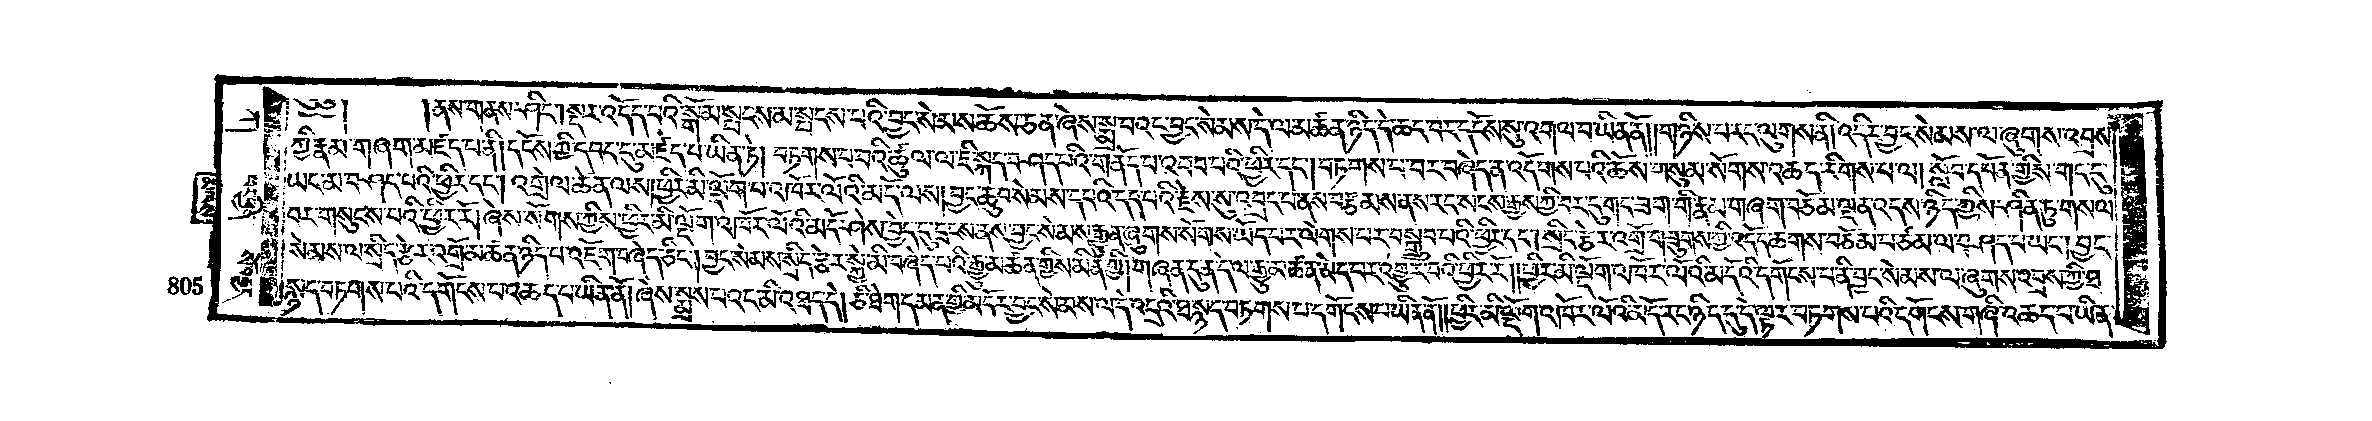༄༅། །ནས་གནས་ཤིང་། སྔར་འདོད་པའི་སྒོམ་སྤངས་མ་སྤངས་པའི་བྱང་སེམས་ཆོས་ཅན་ཞེས་སྨྲ་བའང་བྱང་སེམས་དེ་ལ་མཚན་ཉིད་དེ་ཆང་བར་དངོས་སུ་འགལ་བ་ཡིན་ནོ། །གཉིས་པ་རང་ལུགས་ནི། འདིར་བྱང་སེམས་ལ་ཞུགས་འབྲས་
ཀྱི་རྣམ་གཞག་མཛད་པ་ནི། དངོས་ཀྱི་དབང་དུ་མཛད་པ་ཡིན་ཏེ། བཏགས་པ་བའི་ཚུལ་ལ་ཇི་སྐད་བཤད་པའི་གནོད་པ་འབབ་པའི་ཕྱིར་དང་། བཏགས་པ་བར་བཞེད་ན་འདོགས་པའི་ཆོས་གསུམ་སོགས་འཆད་རིགས་པ་ལ། སློབ་དཔོན་གྱིས་གང་དུ་
ཡང་མ་བཤད་པའི་ཕྱིར་དང་། འགྲེལ་ཆེན་ལས། ཕྱིར་མི་ལྡོག་པ་འཁོར་ལོའི་མདོ་ལས། བྱང་ཆུབ་སེམས་དཔའི་དད་པའི་རྗེས་སུ་འབྲང་པ་ནས་བརྩམས་ནས་རང་སངས་རྒྱས་ཀྱི་བར་དུ་གང་ཟག་གི་རྣམ་གཞག་བཅོམ་ལྡན་འདས་ཉིད་ཀྱིས་ཤིན་ཏུ་གསལ་
བར་གསུངས་པའི་ཕྱིར་རོ། ཞེས་སོགས་ཀྱིས་ཕྱིར་མི་ལྡོག་འཁོར་ལོའི་མདོ་ཤེས་བྱེད་དུ་དྲངས་ནས་བྱང་སེམས་རྒྱུན་ཞུགས་སོགས་ཡོད་པར་ལེགས་པར་བསྒྲུབ་པའི་ཕྱིར་དང་། སྲིད་རྩེར་འགྲོ་གཟུགས་ཀྱི་འདོད་ཆགས་བཅོམ་པ་ཙམ་ལ་བཤད་པ་ཡང་། བྱང་
སེམས་ལ་སྲིད་རྩེར་འགྲོ་མཚན་ཉིད་པ་འཇོག་བཞེད་ཅིང་། བྱང་སེམས་སྲིད་རྩེར་སྐྱེ་མི་བཞེད་པའི་རྒྱུ་མཚན་གྱིས་མིན་གྱི། གཞན་དུ་ན་དེ་ལ་རྒྱུ་མཚན་མེད་པར་འགྱུར་བའི་ཕྱིར་རོ། །ཕྱིར་མི་ལྡོག་འཁོར་ལོའི་མདོའི་དགོངས་པ་ནི་བྱང་སེམས་ལ་ཞུགས་འབྲས་ཀྱི་ཐ་
སྙད་བཏགས་པའི་དགོངས་པ་འཆད་པ་ཡིན་ནོ། ཞེས་སྨྲས་པའང་མི་འཐད་དེ། ཅི་ཐེག་དམན་གྱི་མདོར་བྱང་སེམས་ལ་དེ་འདྲའི་ཐ་སྙད་བཏགས་པ་དགོངས་པ་ཡིན་ནོ། །ཕྱིར་མི་ལྡོག་འཁོར་ལོའི་མདོ་རང་ཉིད་དུ་དེ་ལྟར་བཏགས་པའི་དགོངས་གཞི་འཆད་པ་ཡིན་